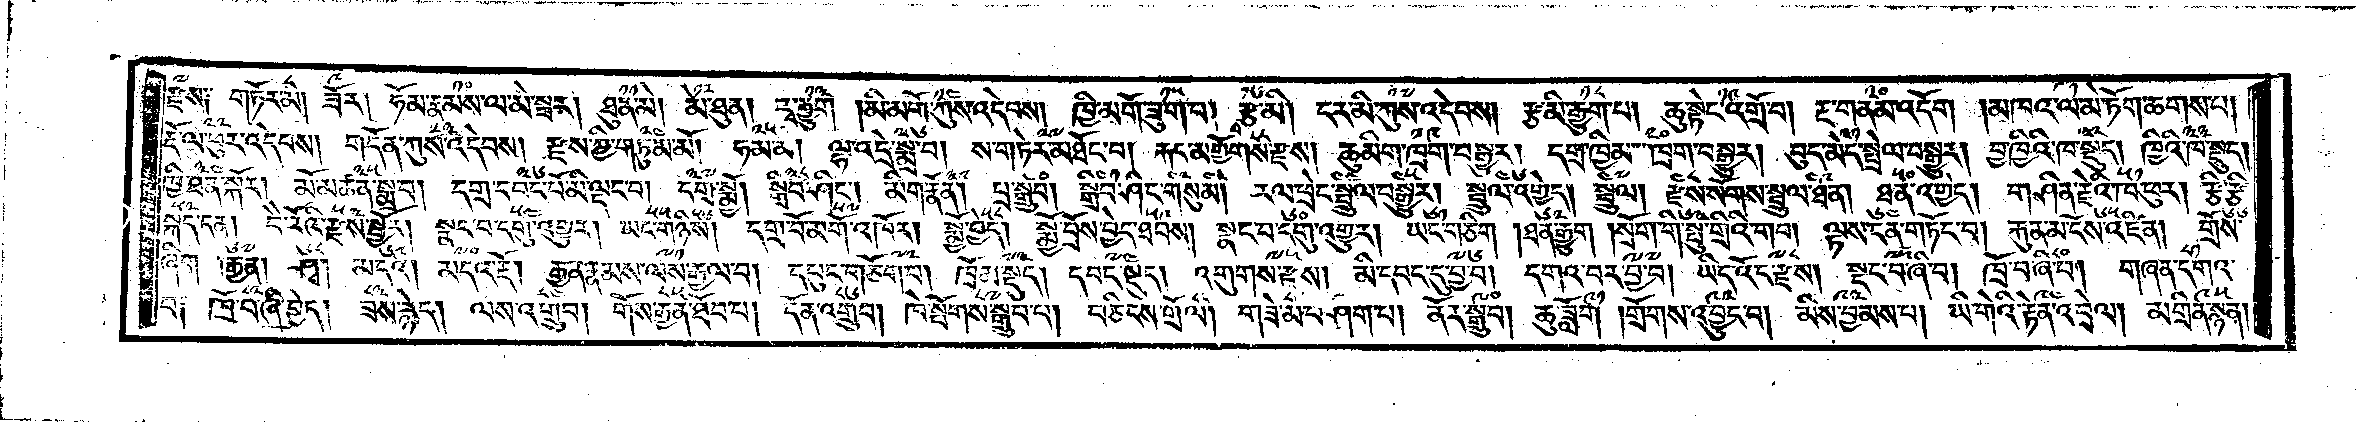རྫས༑ གཏོར་མ། ཟོར། ཧོམ་རྣམས་ལ་མེ་སྦར། ཐུན་མེ། མེ་ཐུན། རྭ་རྒྱུག །མི་མགོ་ཀུས་འདེབས། ཁྱི་མགོ་ཟུག་བ། རྩ་མི། དར་མི་ཀུས་འདེབས། རྩ་མི་རྒྱུག་པ། ཆུ་སྟེང་འགྲོ་བ། རྔ་གནམ་འདོག །མཁའ་ལ་མེ་ཏོག་ཆགས་པ།
རྡོ་ལ་ཕུར་འདེབས། གདོན་ཀུས་འདེབས། རྫས་ཀྱི་གཏུ་མི་མོ། ཧམ་མ། ལྷ་འདྲེ་སྨྲ་བ། ས་གཏེར་མཐོང་བ། རྐང་མགྱོགས་རྫས། ཆུ་མིག་ཁྲག་བསྒྱུར། དགྲ་ཁྱིམ་ཁྲག་བསྒྱུར། བུད་མེད་སྤྲེལ་བསྒྱུར། བྱ་ཁྱིའི་ཁ་སྡུད། ཁྱིའི་ཁ་སྡུད།
ཁྱི་ཐན་སྐོར། མོ་མཚན་སྨྲ་བ། དགྲ་དབང་པོ་མི་ལྡང་བ། དགྲ་སྨྱོ། སྒྲིབ་ཤིང་། མིག་རྣོན། པྲ་སྒྲུབ། སྒྲིབ་ཤིང་གསུམ། རལ་ཕྲེང་སྦྲུལ་བསྒྱུར། སྦྲུལ་འགྱེད། སྦྲུལ། རྫས་སོགས་སྦྲུལ་ཐ་ན། ཐན་འགྱེད། གཤིན་རྗེའི་ཁ་ཕུར། རྩི་རྩི་
སྐད་དན། བཻ་རོའི་རྫས་སྦྱོར། སྣང་པ་དགུ་འགྱུར། ཡང་གཉིས། དགྲ་བོ་མགོ་འཁོར། སྨྱོ་བྱེད། སྨྱོ་བྲོས་བྱེད་ཐབས། སྣང་བ་དགུ་འགྱུར། ཡང་གཅིག །ཐན་རྒྱུག །སྲོག་གི་སྤུ་གྲིའི་གབ། ལྟས་ངན་གཏོང་བ། རྐུན་མ་ངོས་འཛིན། གྲོས་
ཞིག །རྒྱན། ཤྭ། མདའ། མདའ་རྡོ། རྒྱན་རྣམས་ལས་རྒྱལ་བ། དཔུང་གཅོག་བ། ཁྲོམ་སྡུད། དབང་སྡུད། འགུགས་རྫས། མི་དབང་དུ་བྱ་བ། དགའ་བར་བྱ་བ། ཡིད་འོང་རྫས། སྡང་བ་ཞི་བ། ཁྲོ་བ་ཞི་པ། གཞན་དགའ་
བ༑ ཁྲོ་བ་ཞི་བྱེད། ཟས་རྙེད། ལས་འགྲུབ། གོས་རྒྱན་ཐོབ་པ། དོན་འགྲུབ། ཁེ་སྤོགས་སྒྲུབ་པ། བཅིངས་གྲོལ། གཟེ་མི་བཤིག་པ། ནོར་སྒྲུབ། ཆུ་ཟློག །གྲོགས་འབྱུང་བ། མིས་བྱམས་པ། ཡི་གེའི་རྟེན་འབྲེལ། མགྲིན་སྙན།